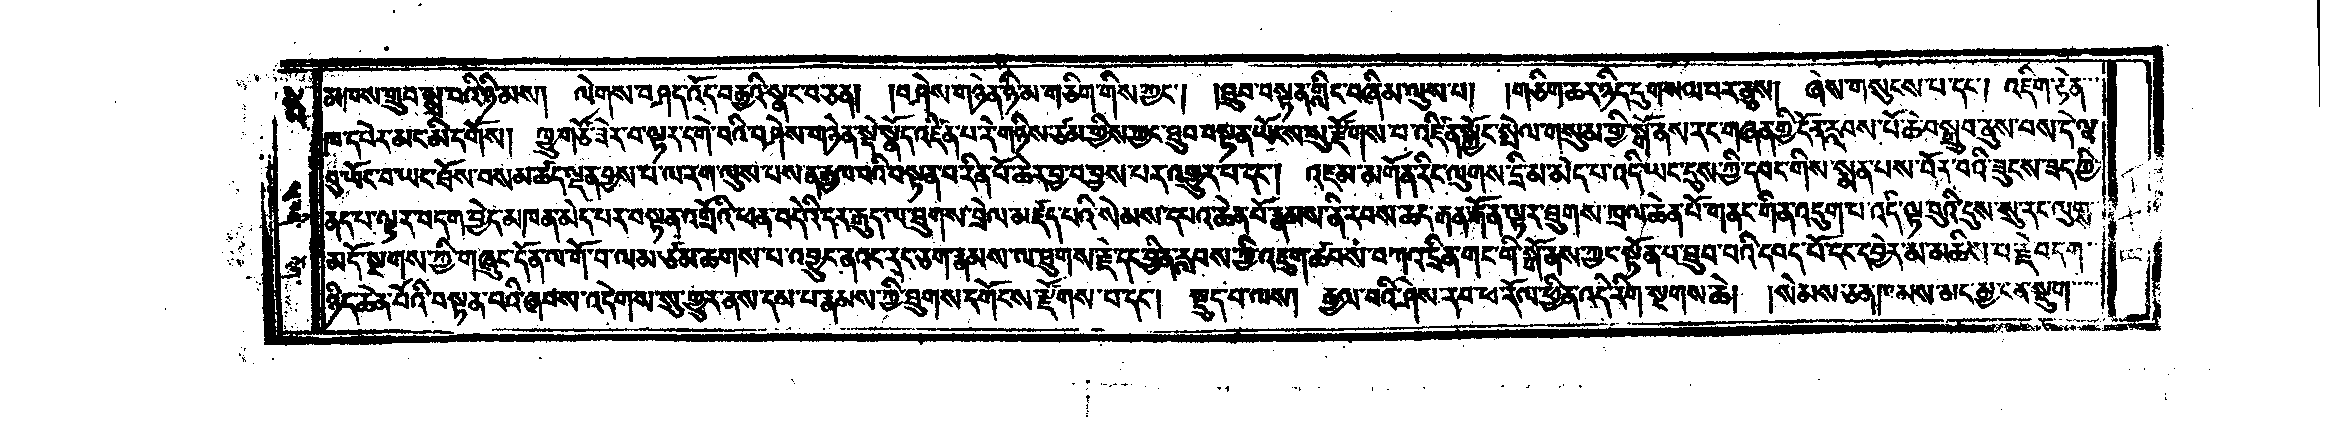མཁས་གྲུབ་སྨྲ་བའི་ཉི་མས། ལེགས་བཤད་འོད་བརྒྱའི་སྣང་བ་ཅན། །བཤེས་གཉེན་ཉི་མ་གཅིག་གིས་ཀྱང་། །ཐུབ་བསྟན་གླིང་བཞི་མ་ལུས་པ། །གཅིག་ཆར་ཉིད་དུ་གསལ་བར་ནུས། ཞེས་གསུངས་པ་དང་། འཇིག་རྟེན་
ཁ་དཔེར་མང་མི་དགོས། ཁྱུ་གཙོ་ཟེར་བ་ལྟར་དགེ་བའི་བཤེས་གཉེན་སྡེ་སྣོད་འཛིན་པ་རེ་གཉིས་ཙམ་གྱིས་ཀྱང་ཐུབ་བསྟན་ཡོངས་སུ་རྫོགས་པ་འཛིན་སྐྱོང་སྤེལ་གསུམ་གྱི་སྒོ་ནས་རང་གཞན་གྱི་དོན་རླབས་པོ་ཆེ་བསྒྲུབ་ནུས་པས་ད་ལྟ་
བུ་ཡོང་བ་ཡང་ཐོས་བསམ་ཚད་ལྡན་བྱས་པ་ལ་རག་ལུས་པས་ན་རྒྱལ་བའི་བསྟན་པ་རིན་པོ་ཆེར་བྱ་བ་བྱས་པར་འགྱུར་པ་དང་། འཇམ་མགོན་རིང་ལུགས་དྲི་མ་མེད་པ་འདི་ཡང་དུས་ཀྱི་དབང་གིས་སྨན་པས་བོར་བའི་ཟུངས་ཟད་ཀྱི་
ནད་པ་ལྟར་བདག་བྱེད་མཁན་མེད་པར་བསྟན་འགྲོའི་ཕན་བདེའི་དར་རྒུད་ལ་ཐུགས་བྲེལ་མཛད་པའི་སེམས་དཔའ་ཆེན་པོ་རྣམས་ནི་རབས་ཆད་རྒན་རྒོན་ལྟར་ཐུགས་ཁྲལ་ཆེན་པོ་གནང་གིན་འདུག་པ་འདི་ལྟ་བུའི་དུས་སུ་རང་ལུགས་
མདོ་སྔགས་ཀྱི་གཞུང་དོན་ལ་གོ་བ་ལམ་ཙམ་ཆགས་པ་འབྱུང་ནའང་རང་ཅག་རྣམས་ལ་ཐུགས་རྗེ་དང་བྱིན་རླབས་ཀྱི་འཇུག་ཚབས་བཀའ་དྲིན་གང་གི་སྒོ་ནས་ཀྱང་སྟོན་པ་ཐུབ་པའི་དབང་པོ་དང་དབྱེར་མ་མཆིས་པ་རྗེ་བདག་
ཉིད་ཆེན་པོའི་བསྟན་པའི་ཞབས་འདེགས་སུ་གྱུར་ནས་དམ་པ་རྣམས་ཀྱི་ཐུགས་དགོངས་རྫོགས་པ་དང་། སྡུད་པ་ལས། རྒྱལ་བའི་ཤེས་རབ་ཕ་རོལ་ཕྱིན་འདི་རིག་སྔགས་ཆེ། །སེམས་ཅན་ཁམས་མང་མྱ་ངན་སྡུག་